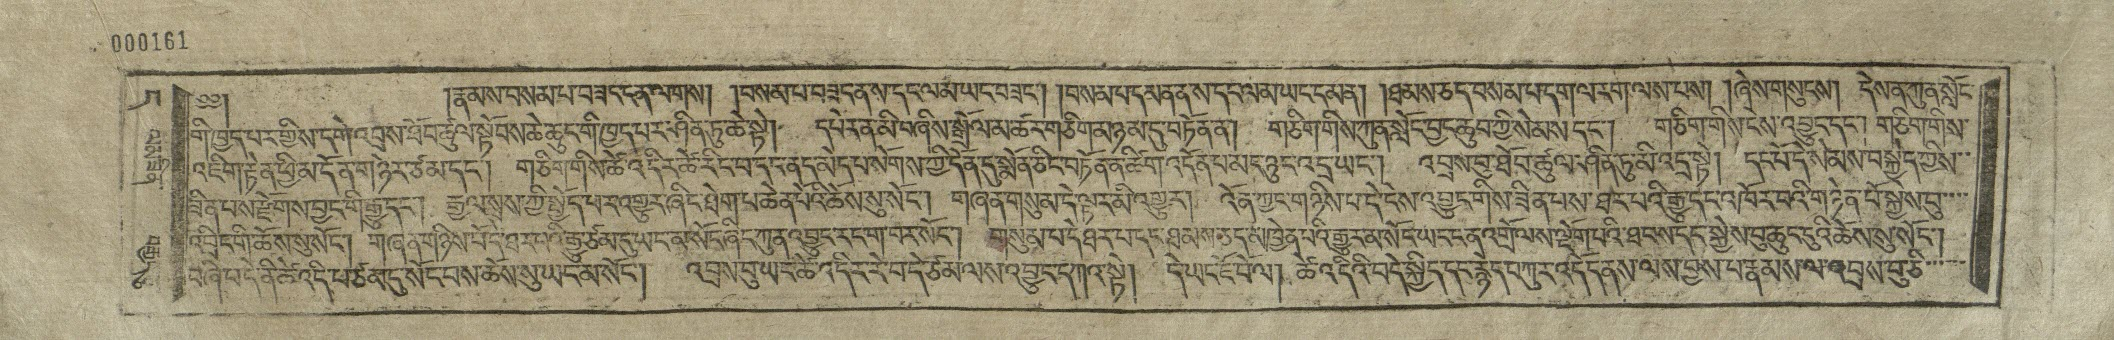༄༅། །རྣམས་བསམ་པ་བཟང་ངན་ལགས། །བསམ་པ་བཟང་ན་ས་དང་ལམ་ཡང་བཟང་། །བསམ་པ་དམན་ན་ས་དང་ལམ་ཡང་དམན། །ཐམས་ཅད་བསམ་པ་དག་ལ་རག་ལས་པས། །ཞེས་གསུངས། དེས་ན་ཀུན་སློང་
གི་ཁྱད་པར་གྱིས་དགེ་འབྲས་ཐོབ་ཚུལ་སྟོབས་ཆེ་ཆུང་གི་ཁྱད་པར་ཤིན་ཏུ་ཆེ་སྟེ། དཔེར་ན་མི་བཞིས་སྒྲོལ་མ་ཚར་གཅིག་མཉམ་དུ་བཏོན་ན། གཅིག་གིས་ཀུན་སློང་བྱང་ཆུབ་ཀྱི་སེམས་དང་། གཅིག་གིས་ངེས་འབྱུང་དང་། གཅིག་གིས་
འཇིག་རྟེན་ཕྱི་མ་དོན་གཉེར་ཙམ་དང་། གཅིག་གིས་ཚེ་འདིར་ཚེ་རིང་བ་དང་ནད་མེད་པ་སོགས་ཀྱི་དོན་དུ་སྨོན་ཅིང་བཏོན་ན་ཚིག་འདོན་པ་མང་ཉུང་འདྲ་ཡང་། འབྲས་བུ་ཐོབ་ཚུལ་ཤིན་ཏུ་མི་འདྲ་སྟེ། དང་པོ་དེ་སེམས་བསྐྱེད་ཀྱིས་
ཟིན་པས་རྫོགས་བྱང་གི་རྒྱུ་དང་། རྒྱལ་སྲས་ཀྱི་སྤྱོད་པར་འགྱུར་ཞིང་ཐེག་པ་ཆེན་པོའི་ཆོས་སུ་སོང་། གཞན་གསུམ་དེ་ལྟར་མི་འགྱུར། འོན་ཀྱང་གཉིས་པ་དེ་ངེས་འབྱུང་གིས་ཟིན་པས་ཐར་པའི་རྒྱུ་དང་འཁོར་བའི་གཉེན་པོ་སྐྱེས་བུ་
འབྲིང་གི་ཆོས་སུ་སོང་། གཞན་གཉིས་པོ་དེ་ཐར་པའི་རྒྱུ་ཙམ་དུ་ཡང་མ་སོང་ཞིང་ཀུན་འབྱུང་རང་ག་བར་སོང་། གསུམ་པ་དེ་ཐར་པ་དང་ཐམས་ཅད་མཁྱེན་པའི་རྒྱུར་མ་སོང་ཡང་ངན་འགྲོ་ལས་ལྡོག་པའི་ཐབས་དང་སྐྱེས་བུ་ཆུང་ངུའི་ཆོས་སུ་སོང་།
བཞི་པ་དེ་ནི་ཚེ་འདི་པ་ཙམ་དུ་སོང་བས་ཆོས་སུ་ཡང་མ་སོང་། འབྲས་བུ་ཡང་ཚེ་འདིར་རེ་བ་དེ་ཙམ་ལས་འབྱུང་དཀའ་སྟེ། དེ་ཡང་ཇོ་བོ་ལ། ཚེ་འདིའི་བདེ་སྐྱིད་དང་རྙེད་བཀུར་འདོད་ནས་ལས་བྱས་པ་རྣམས་ལ་འབྲས་བུ་ཅི་